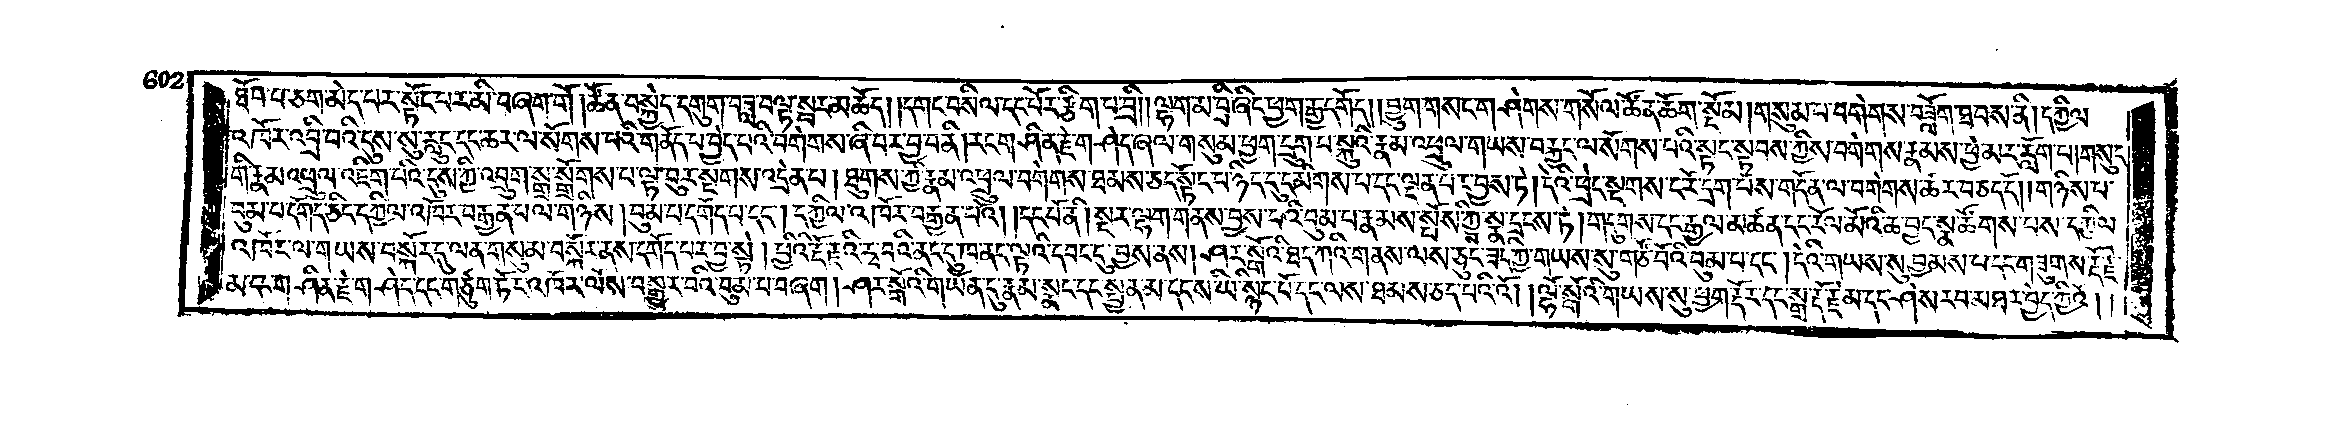ཐོབ་པ་ཅིག་མེད་པར་སྟོང་པར་མི་བཞག་གོ །ཚོན་བསྐྱེད་དགུག་བཟླ་བལྟ་སྦར་མཆོད། །དགང་བསིལ་དང་པོར་རྩིག་པ་བྲི། །ལྷག་མ་བྲི་ཞིང་ཕྱག་རྒྱ་དགོད། །བྱུག་གསང་གཤེགས་གསོལ་ཚོན་ཆོག་སྡོམ། གསུམ་པ་བགེགས་བཟློག་ཐབས་ནི། དཀྱིལ་
འཁོར་འབྲི་བའི་དུས་སུ་རླུང་དང་ཆར་ལ་སོགས་པའི་གནོད་པ་བྱེད་པའི་བགེགས་ཞི་བར་བྱ་བ་ནི། རང་གཤིན་རྗེ་གཤེད་ཞལ་གསུམ་ཕྱག་དྲུག་པ་སྐུའི་རྣམ་འཕྲུལ་གཡས་བརྐྱང་ལ་སོགས་པའི་སྟང་སྟབས་ཀྱིས་བགེགས་རྣམས་ཕྱེ་མར་རློག་པ། གསུང་
གི་རྣམ་འཕྲུལ་འཇིག་པའི་དུས་ཀྱི་འབྲུག་སྒྲ་སྒྲོགས་པ་ལྟ་བུར་སྔགས་འདྲེན་པ། ཐུགས་ཀྱི་རྣམ་འཕྲུལ་བགེགས་ཐམས་ཅད་སྟོང་པ་ཉིད་དུ་དམིགས་པ་དང་ལྡན་པར་བྱས་ཏེ། དེའི་ཕྲེང་སྔགས་ང་རོ་དྲག་པོས་གདོན་ལ་བགེགས་ཚར་བཅད་དོ། །གཉིས་པ་
བུམ་པ་དགོད་ཅིང་དཀྱིལ་འཁོར་བརྒྱན་པ་ལ་གཉིས། བུམ་པ་དགོད་པ་དང་། དཀྱིལ་འཁོར་བརྒྱན་པའོ། །དང་པོ་ནི། སྔར་ལྷག་གནས་བྱས་པའི་བུམ་པ་རྣམས་སྤོས་ཀྱིས་སྣ་དྲངས་ཏེ། གདུགས་དང་རྒྱལ་མཚན་དང་རོལ་མོའི་ཆ་བྱང་སྣ་ཚོགས་པས་དཀྱིལ་
འཁོར་ལ་གཡས་བསྐོར་དུ་ལན་གསུམ་བསྐོར་ནས་དགོད་པར་བྱ་སྟེ། ཕྱིའི་རྡོ་རྗེའི་རྭ་བའི་ནང་དུ་ཁ་ནང་ལྟའི་དབང་དུ་བྱས་ནས། ཤར་སྒོའི་ཐད་ཀའི་གནས་ལས་ཅུང་ཟད་ཀྱི་གཡས་སུ་གཙོ་བོའི་བུམ་པ་དང་། དེའི་གཡས་སུ་བྱམས་པ་དང་གཟུགས་རྡོ་རྗེ་
མ་དང་གཤིན་རྗེ་གཤེད་དང་གཙུག་ཏོར་འཁོར་ལོས་བསྒྱུར་བའི་བུམ་པ་བཞག །ཤར་སྒོའི་གཡོན་དུ་རྣམ་སྣང་དང་སྤྱན་མ་དང་ས་ཡི་སྙིང་པོ་དང་ལས་ཐམས་ཅད་པའི་འོ། །ལྷོ་སྒོའི་གཡས་སུ་ཕྱག་རྡོར་དང་སྒྲ་རྡོ་རྗེ་མ་དང་ཤེས་རབ་མཐར་བྱེད་ཀྱིའོ། །